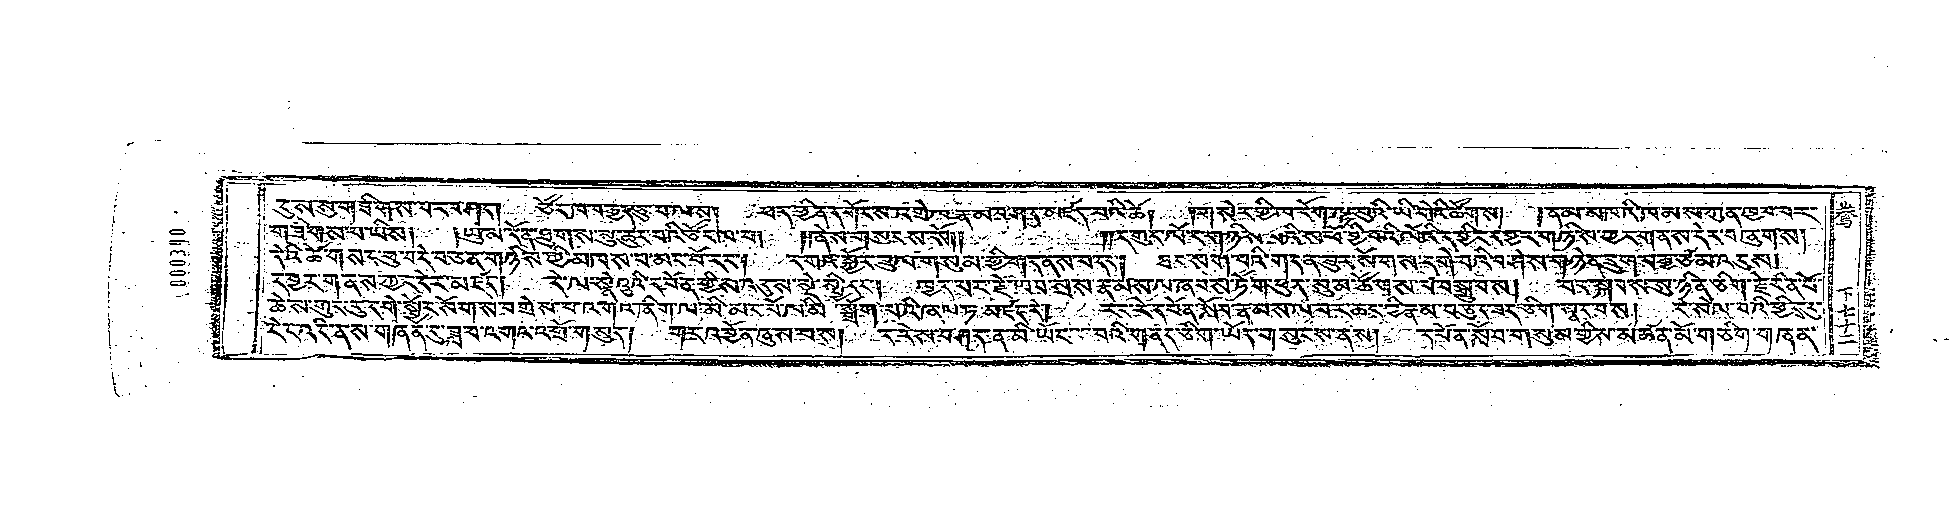དུས་སུ་གཟིགས་པར་བཤད། ཙོང་ཁ་བརྒྱད་ཅུ་པ་ལས། ཕར་ཕྱིན་དགོངས་འགྲེལ་རྣམ་བཤད་མཛད་པའི་ཚེ། །གསེར་གྱི་ཁ་རོག་ལྟ་བུའི་ཡི་གེའི་ཚོགས། །ནམ་མཁའི་ཁམས་ཀུན་ཁྱབ་པར་
གཟིགས་པ་ཡིས། །ཡུམ་དོན་ཐུགས་སུ་ཆུང་བའི་ཙོང་ཁ་པ། །ཞེས་གསུངས་སོ།། །།དགུང་ལོ་ང་གཉིས་པའི་ས་ཕོ་བྱི་བའི་ལོའི་དཔྱིད་དབྱང་གཉིས་ཀྱང་གནས་དེར་བཞུགས།
དེའི་ཚེ་གསར་ཕུ་བདེ་བ་ཅན་གཉིས་ཀྱི་མཁས་པ་མང་པོ་དང་། དགའ་སྐྱོང་ཟུལ་གསུམ་གྱི་གདན་ས་བ་དང་། ཐང་སག་པའི་གདན་ཟུར་སོགས་དགེ་བའི་བཤེས་གཉེན་དྲུག་བ་རྒྱ་ཙམ་འདུས།
དབྱར་གནས་ཀྱང་དེར་མཛད། དེ་ལ་སྣེའུའི་དཔོན་གྱིས་འདུས་སྡེ་སྤྱི་དང་། ཁྱད་པར་རྗེ་ཡབ་སྲས་རྣམས་ལ་ཞབས་ཏོག་ཕུན་སུམ་ཚོགས་པ་བསྒྲུབས། བར་སྐབས་སུ་ཉིན་ཅིག་རྗེ་རིན་པོ་
ཆེས་གུང་རུ་དགེ་སྦྱོང་སོགས་བགྲེས་པ་འགའ་ཞིག་ལ་མི་མང་པོ་ལ་མི་སྒྲོག་པའི་ཞལ་ཏ་མཛད་དེ། རང་རེ་དཔོན་སློབ་རྣམས་ལ་བར་ཆུང་ཀྱི་རྣམ་པ་ཅུང་ཟད་ཅིག་སྣང་བས། དེ་སེལ་བའི་ཕྱིར་དུ་
དེང་འདི་ནས་གཞན་དུ་ཟླ་བ་འགའ་འགྲོ་གསུང་། གར་འབྱོན་ཞུས་བས། ད་རེས་བཤད་ན་མི་ཡོང་བའི་གནད་ཅིག་ཡོད་གསུངས་ནས། དཔོན་སློབ་གསུམ་གྱིས་མཚན་མོ་གཅིག་གཞ་